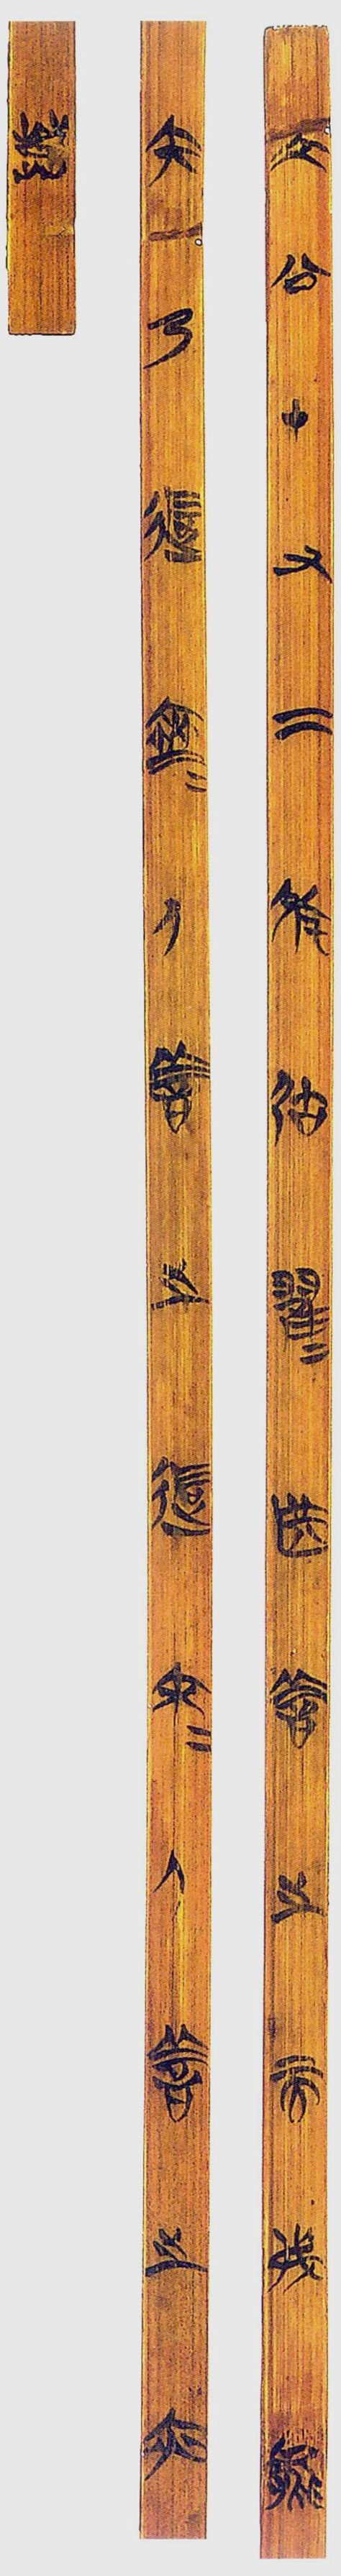文公十又二年居翟甚善之而弗能內乃{辶石}齊=人善之{辶石}宋=人善之亦莫
